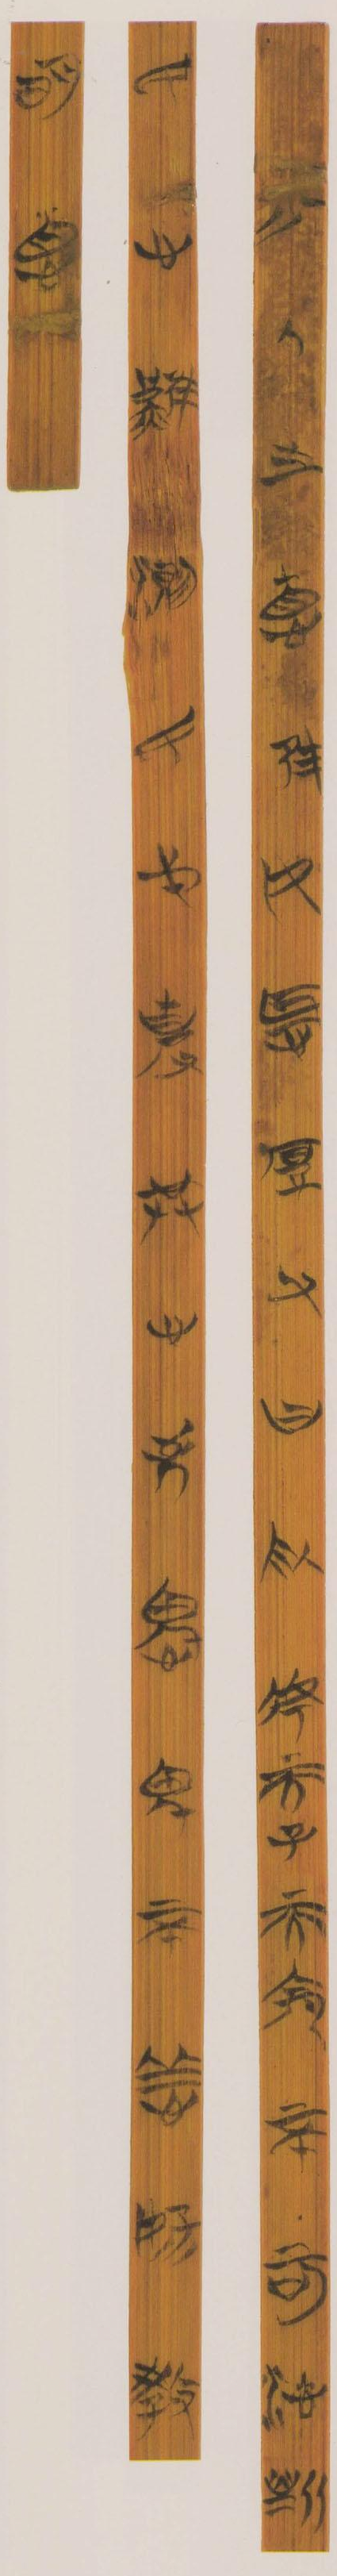少人之惪隹女怠厚父曰於{虍乎}天子天命不可漗斯民心難測民弋尅共心茍愄畏不恙{女呆}教明惪
